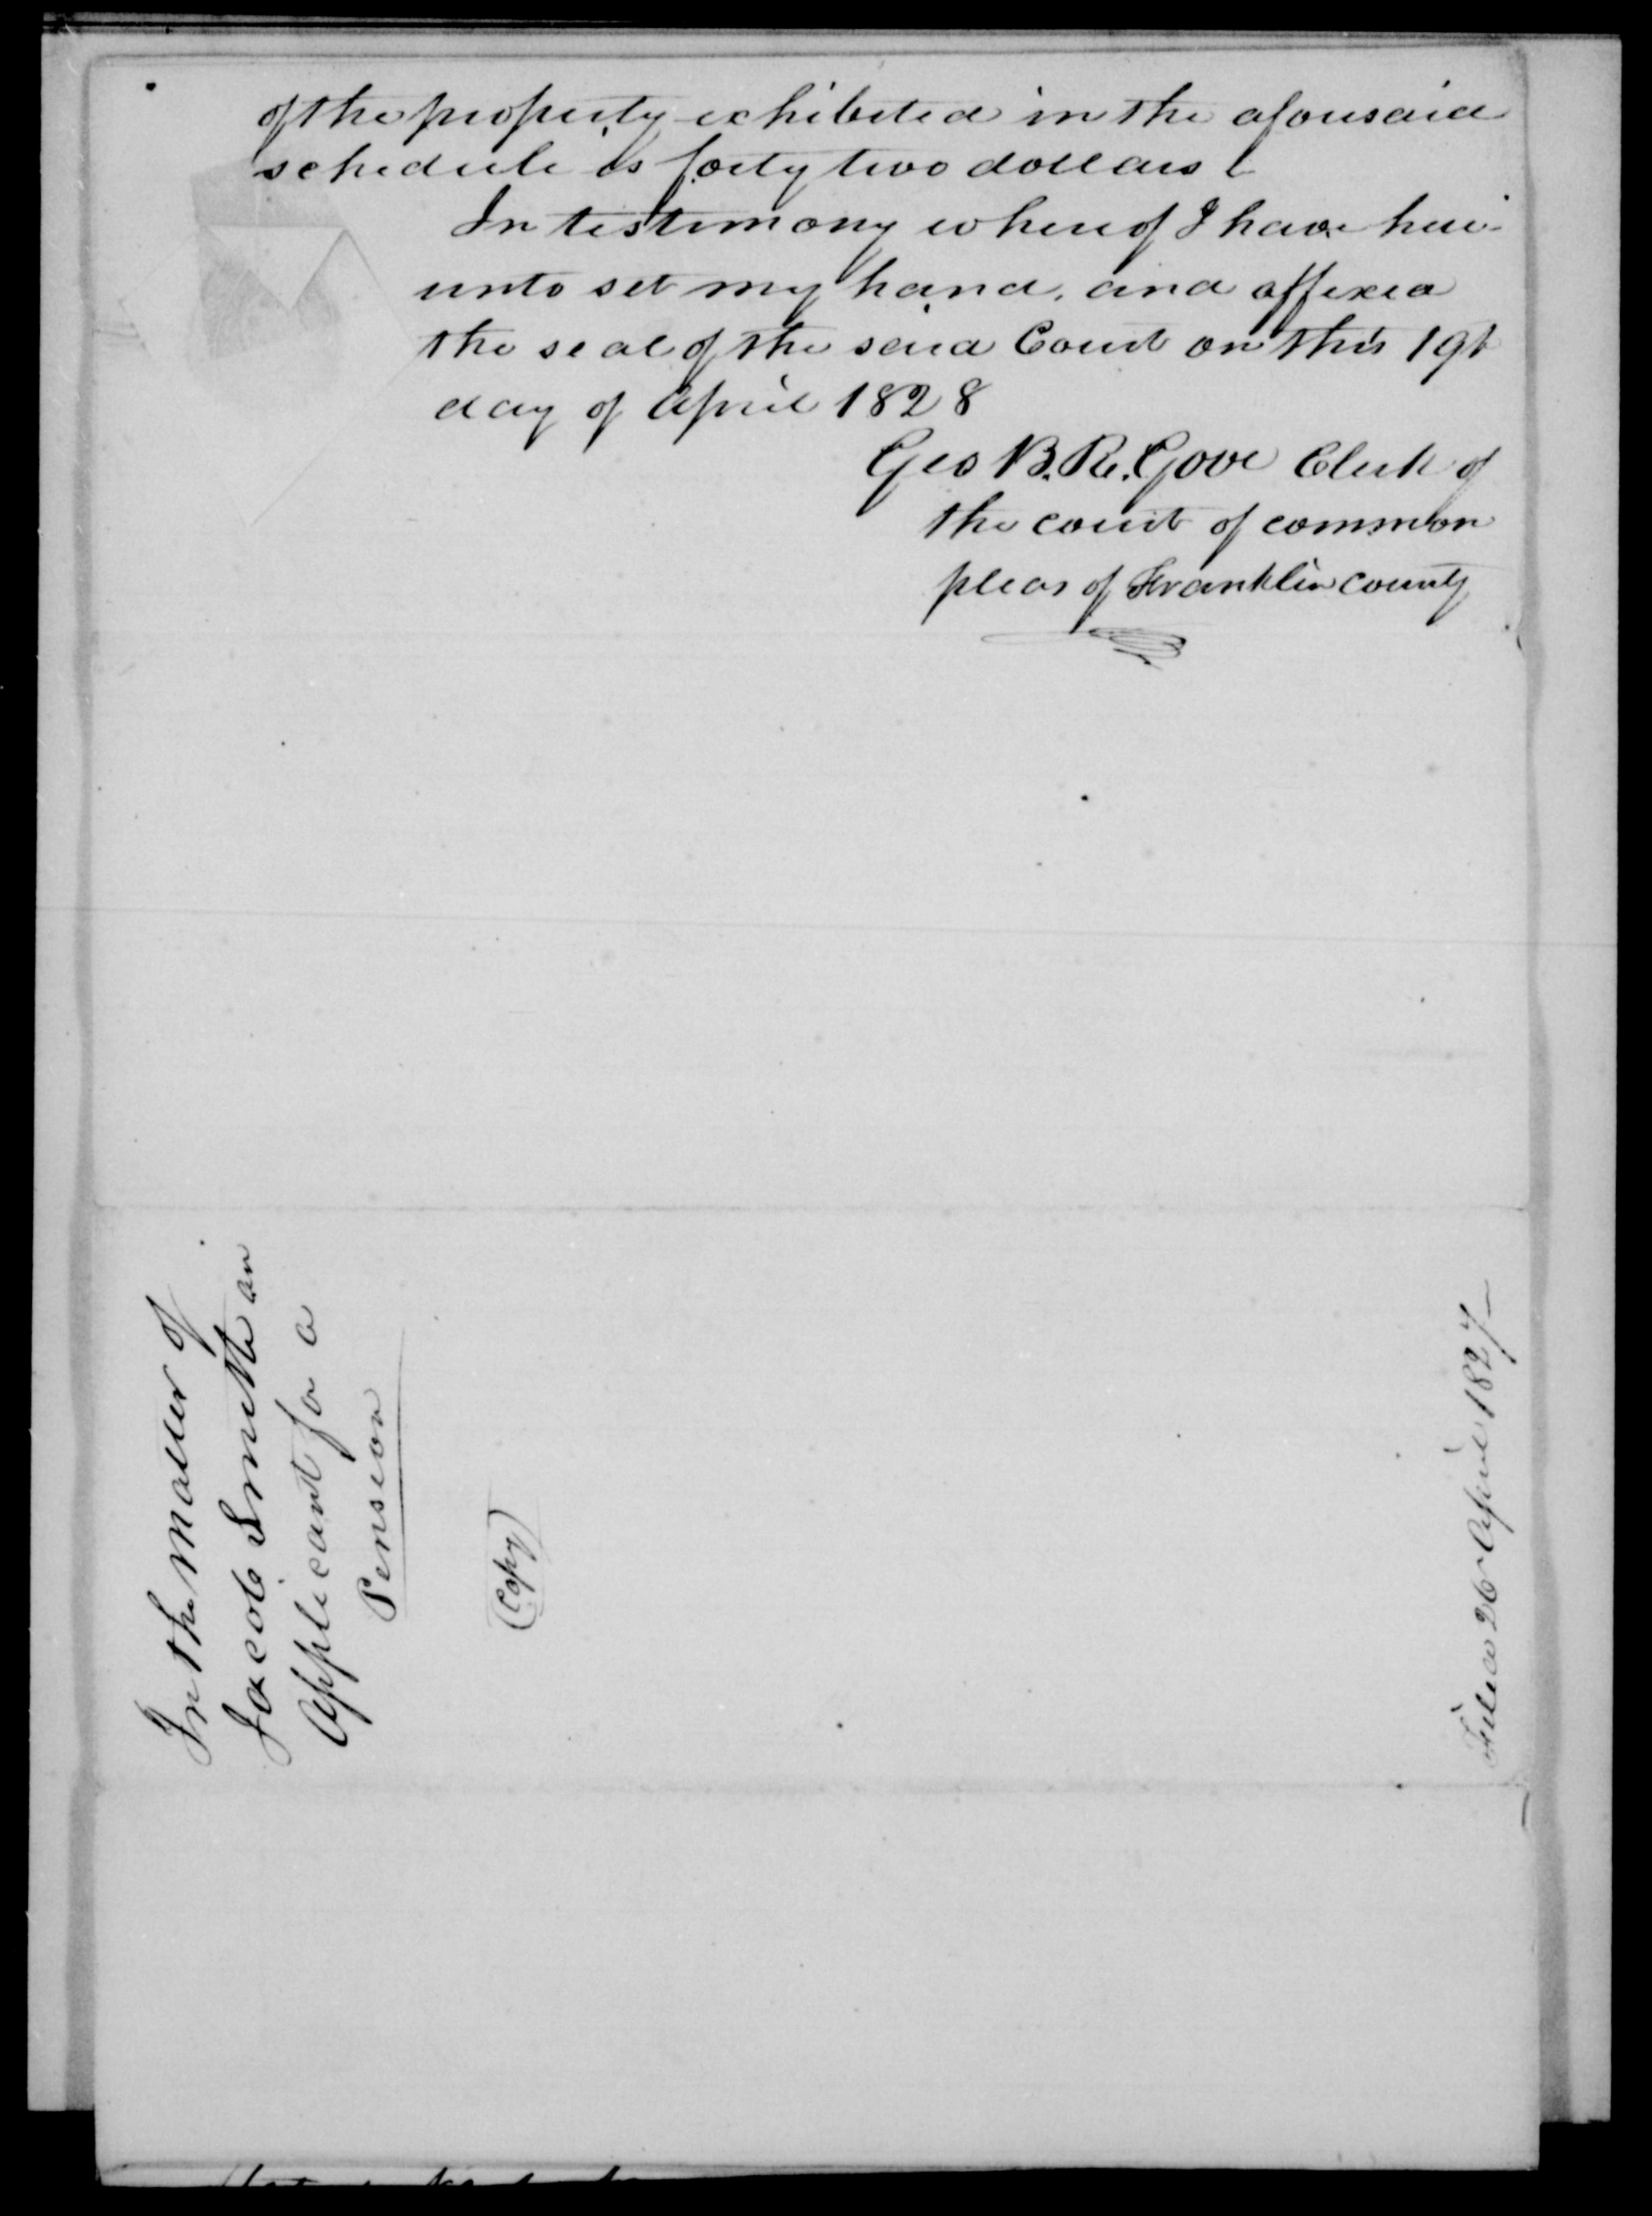of the property exhibited in the aforesaid schedule is forty two dollars -
In testimony whereof I have hereunto set my hand, and affixed the seal the said Court on this 19th day of April 1828
Geo B. R. Gove Clerk of
the court of common 
pleas of Franklin County
[Court seal is faintly visible to the left of the Clerk's testimony; it is not legible.]

[The following blocks of writing appear at the bottom of this record, each written at an angle of 90 degrees counter clockwise on the page.]

[On left side on page.]
In the matter of Jacob Smith an Applicant for a Pension (copy) 

[On right side of page.]
Filed 26 April 1827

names: Jacob Smith; Geo B R Gove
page: 7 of 15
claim: survivor's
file: S. 43157, for Jacob Smith, Vermont